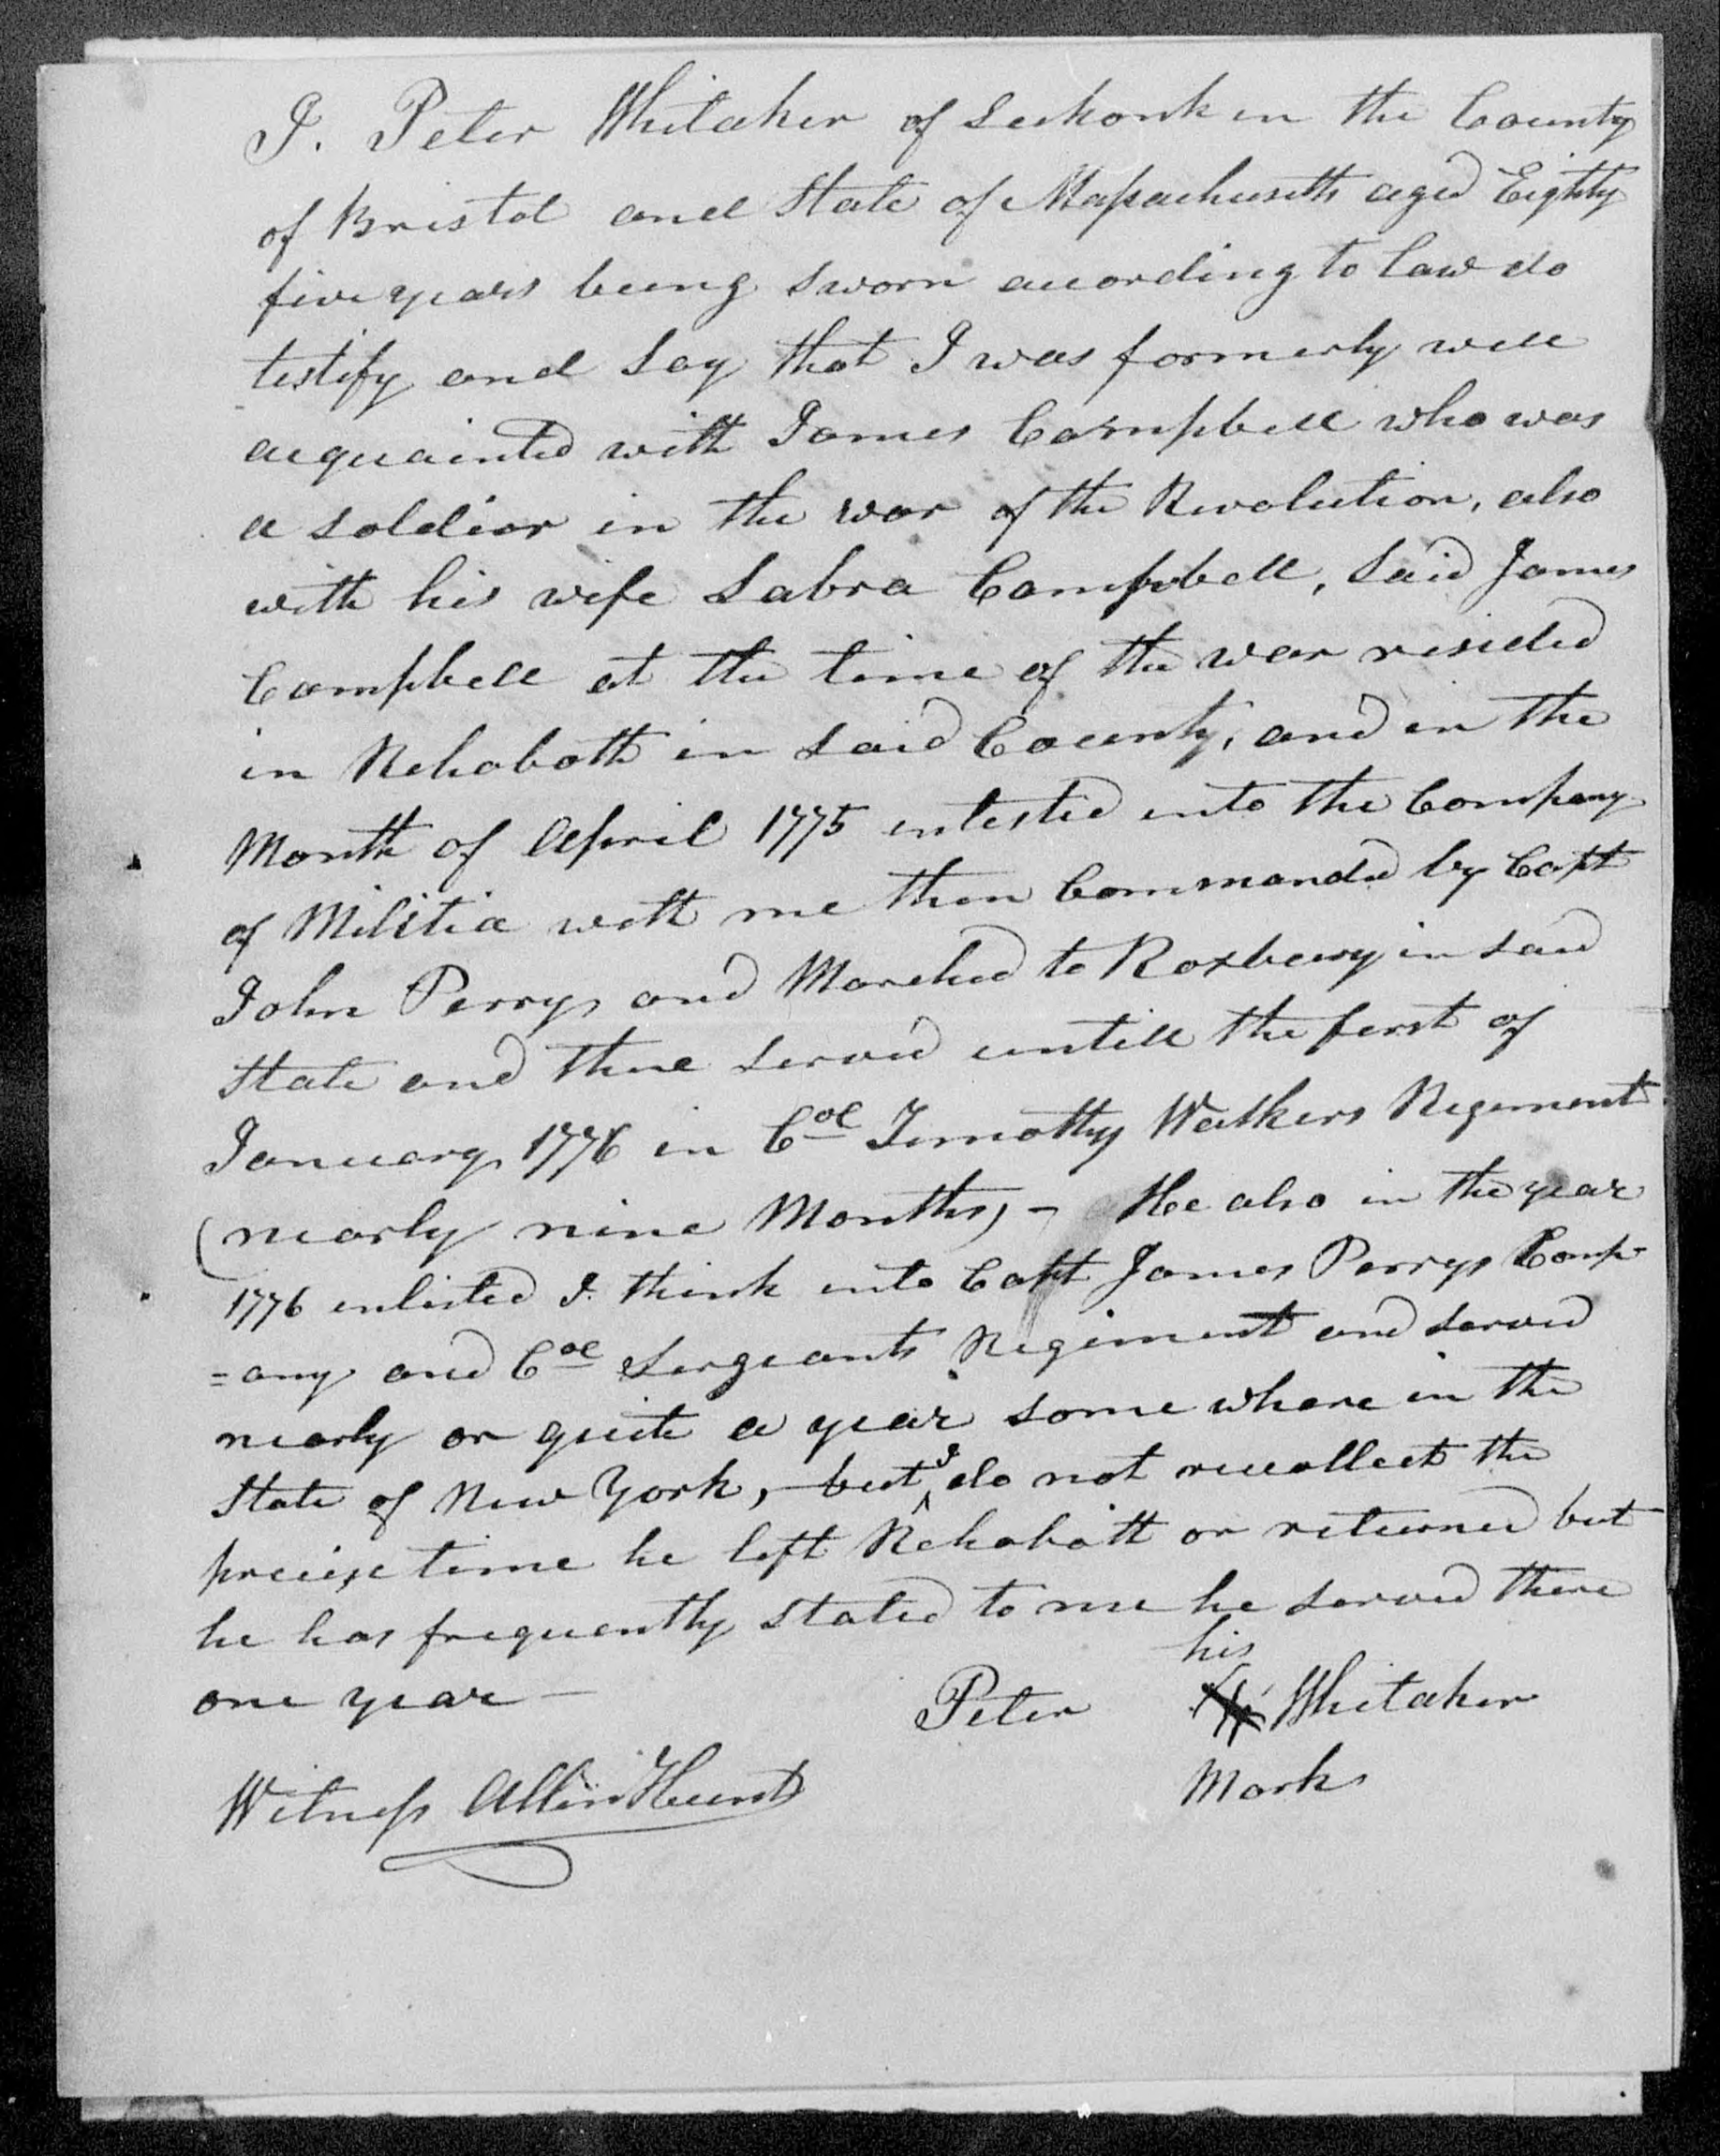J. Peter Whitaker of Seekonk in the County of Bristol and State of Massachusetts aged Eighty
five years being Sworn according to Law do
testify and Say that I was formerly well
acquainted with James Campbell who was a
Soldier in the war of the Revolution, also with his wife Sabra Campbell, Said James Campbell at the time of the war resided in Rehoboth in said County, and in the Month of April 1775 enlisted into the Company of Militia with me then Commanded by Capt John Perry and Marched to Roxbury in said State and there served untill (until) the first of January 1776 in Col. Timothy Walkers Regiment (nearly nine months) - He also in the year 1776 enlisted I think into Capt James Perrys Company and Col. Sergeants (Sargent's) Regiment and served nearly on quite a year Somewhere in the State of New York, but I do not recollect the precise time he left Rehoboth or returned but he has frequently Stated to me he served there one year -
        his
Peter X Whitaker
        mark

Witness Allin Hunt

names: James Campbell, Peter Whitaker, James Campbell, Allin Hunt, John Perrys, Peter Whitaker, Sabra Campbell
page: 40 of 67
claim: widow's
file: W. 23772, James Campbell, Continental Mass.